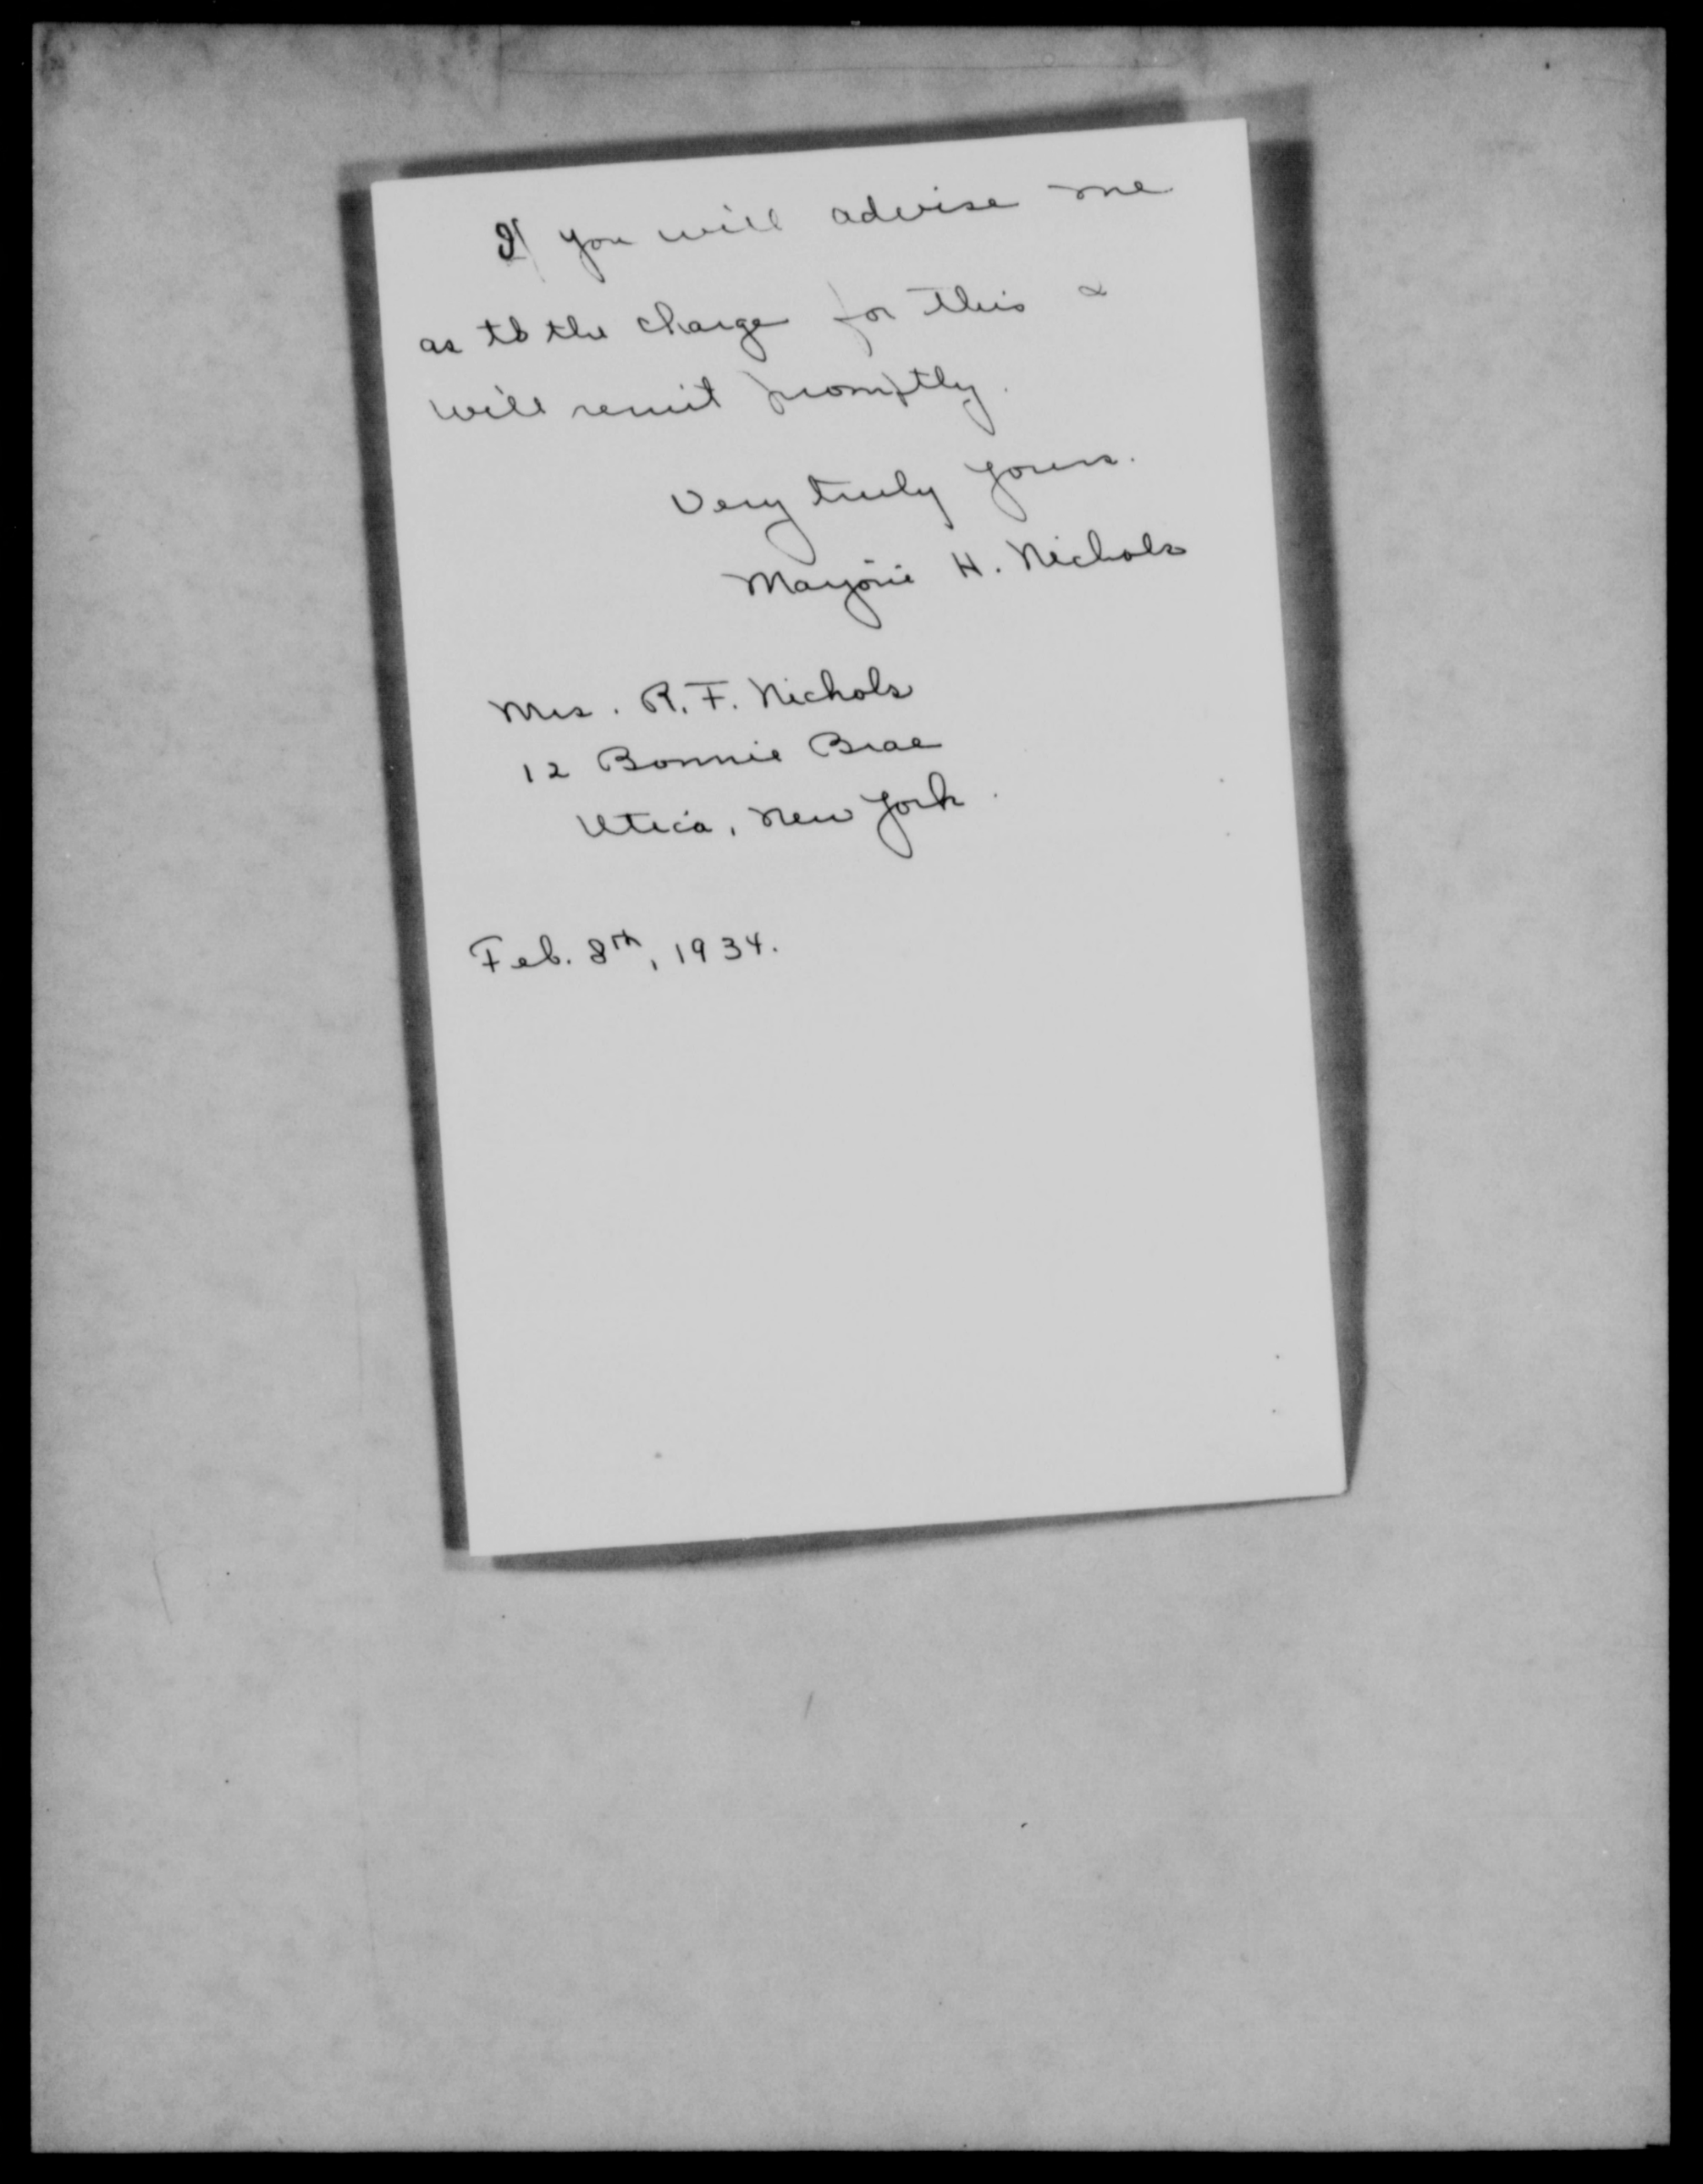If you will advise as to the charge for this I will remit promptly.
Very truly yours
Marjorie H. Nichols
Mrs. R. F. Nichols
12 Bonnie Brae
Utica, New York
Feb. 8th, 1934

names: R F Nichols, Marjorie H Nichols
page: 59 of 63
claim: widow's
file: W. 22,632, David Williams, Conn. Continental Privateer